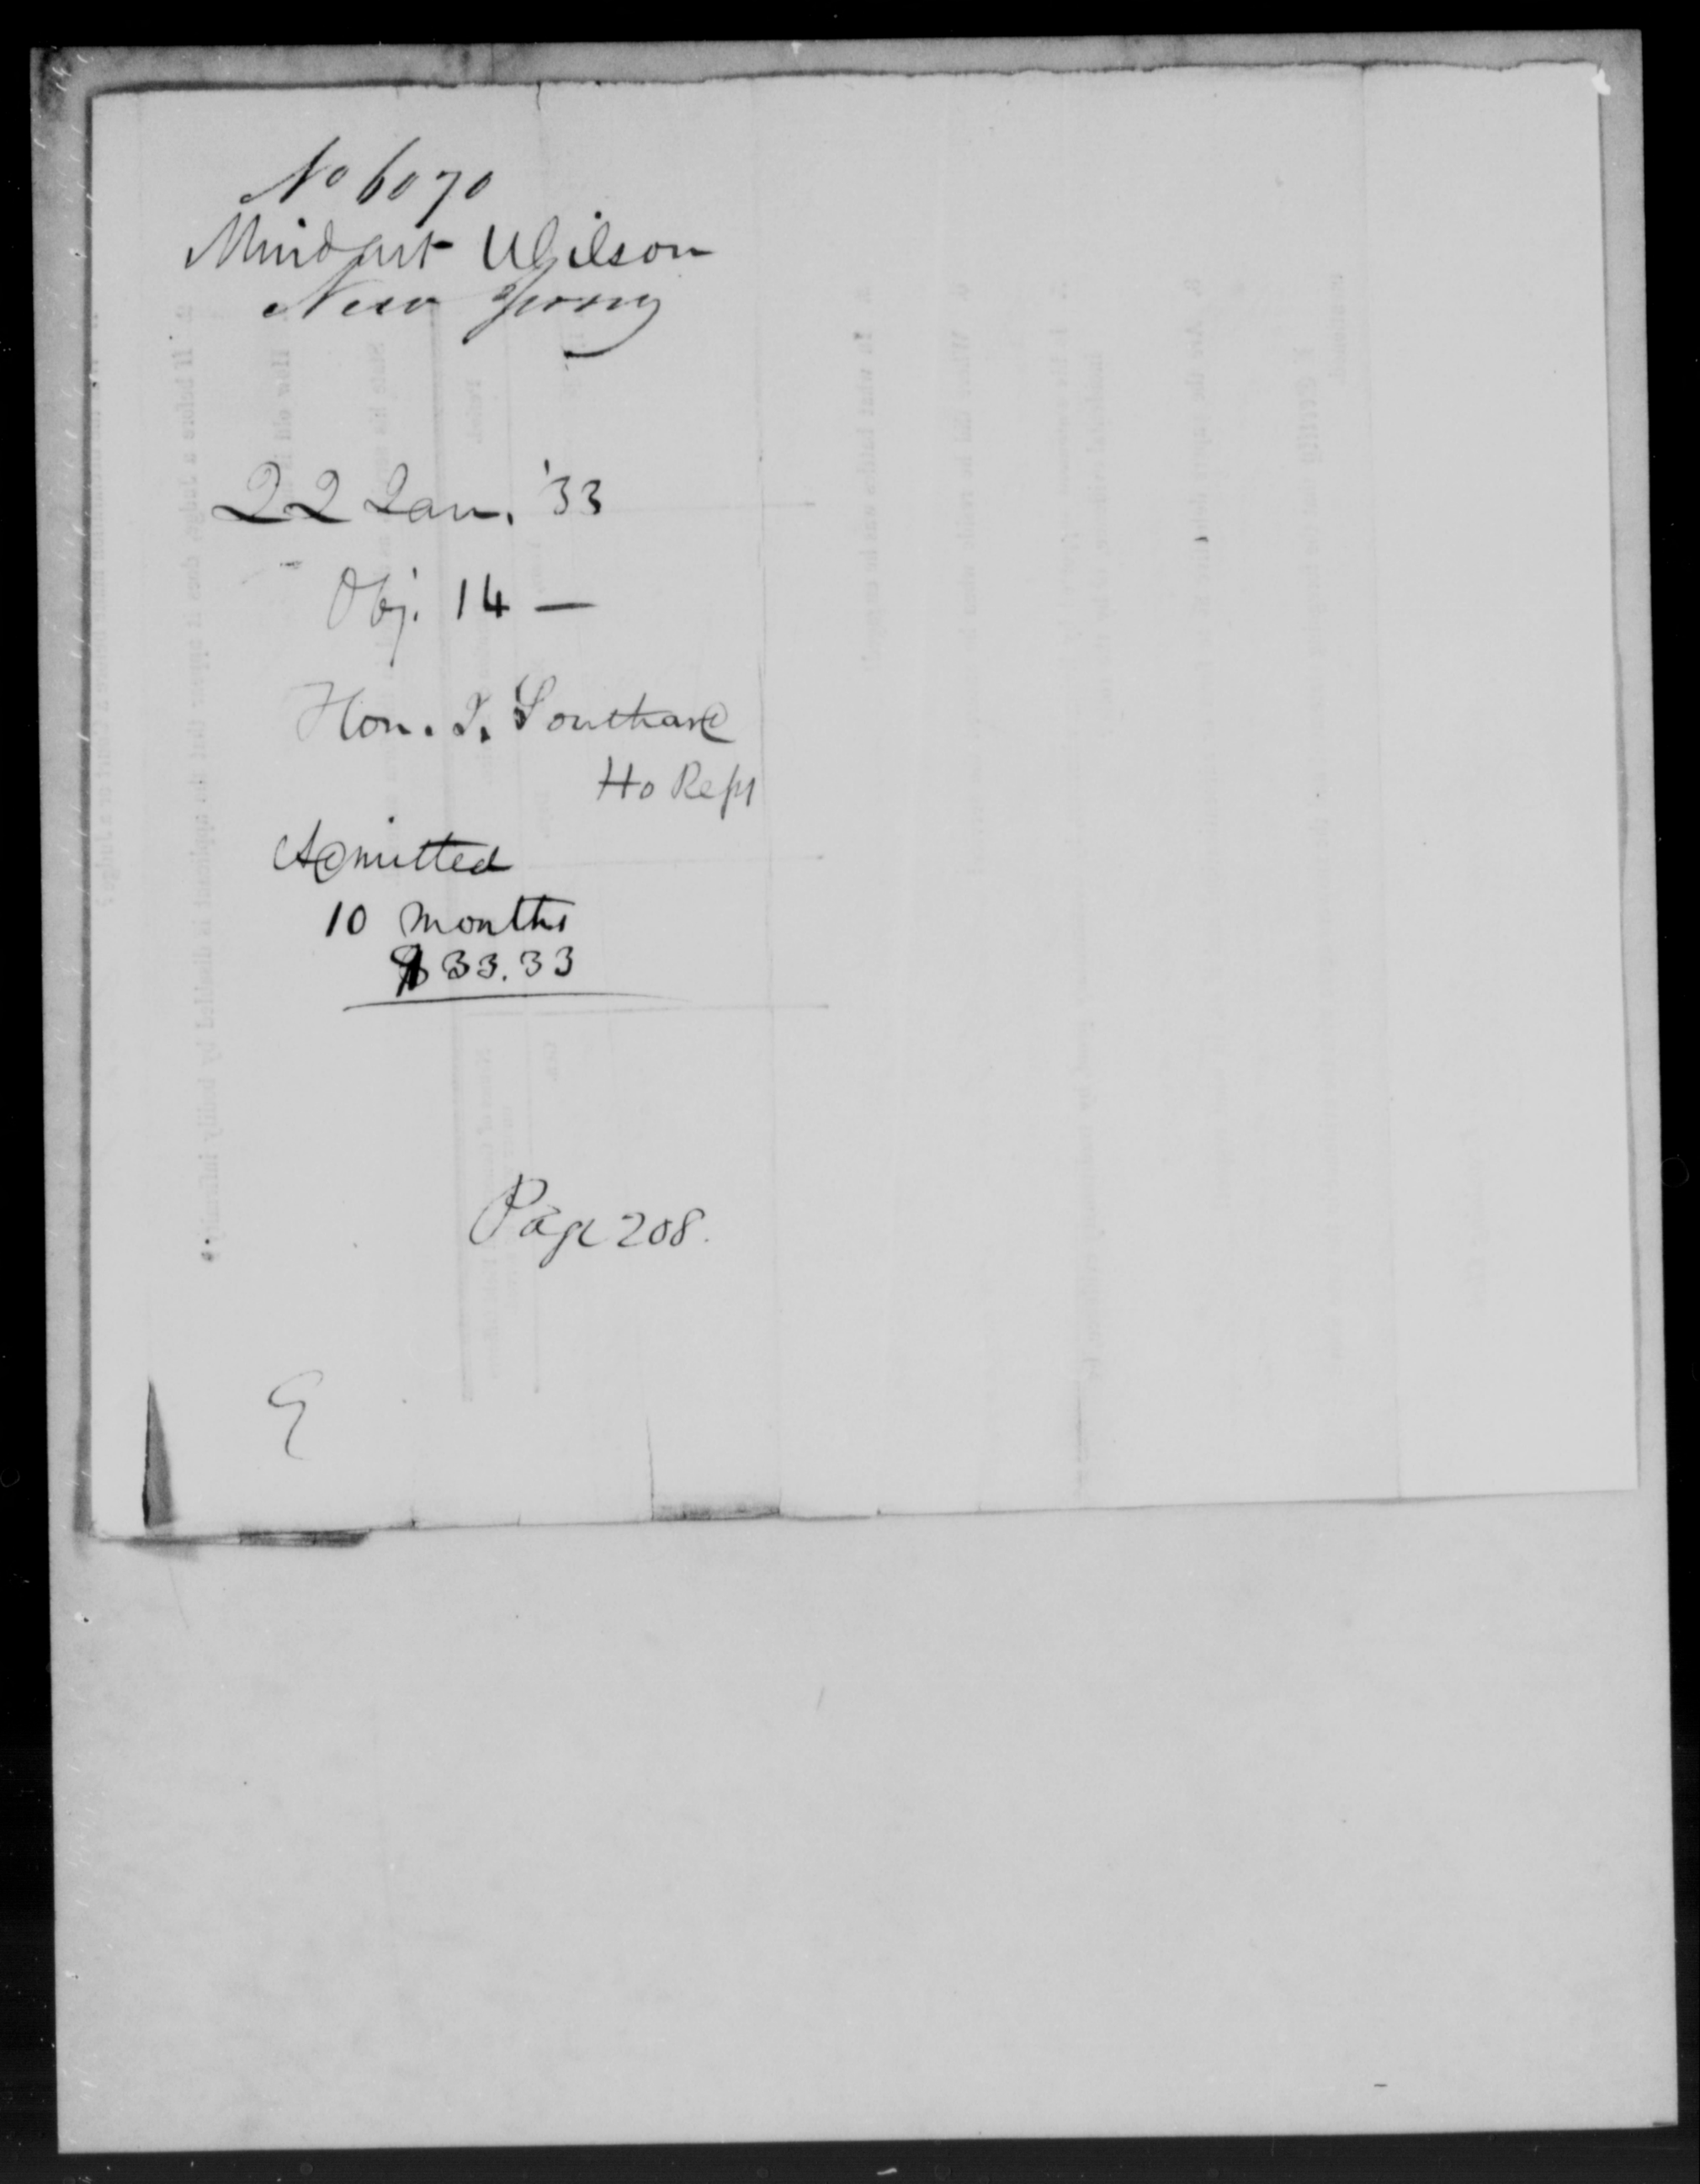No 6070
Mindart Wilson
New Jersey

22 Jan. '33
Obj. 14 --
Hon. I. Southard Ho Reps
Admitted
10 months
$33.33

Page 208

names: I Southard, Mindart Wilson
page: 3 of 40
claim: survivor's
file: S. 3564, Mindart Wilson, New Jersey